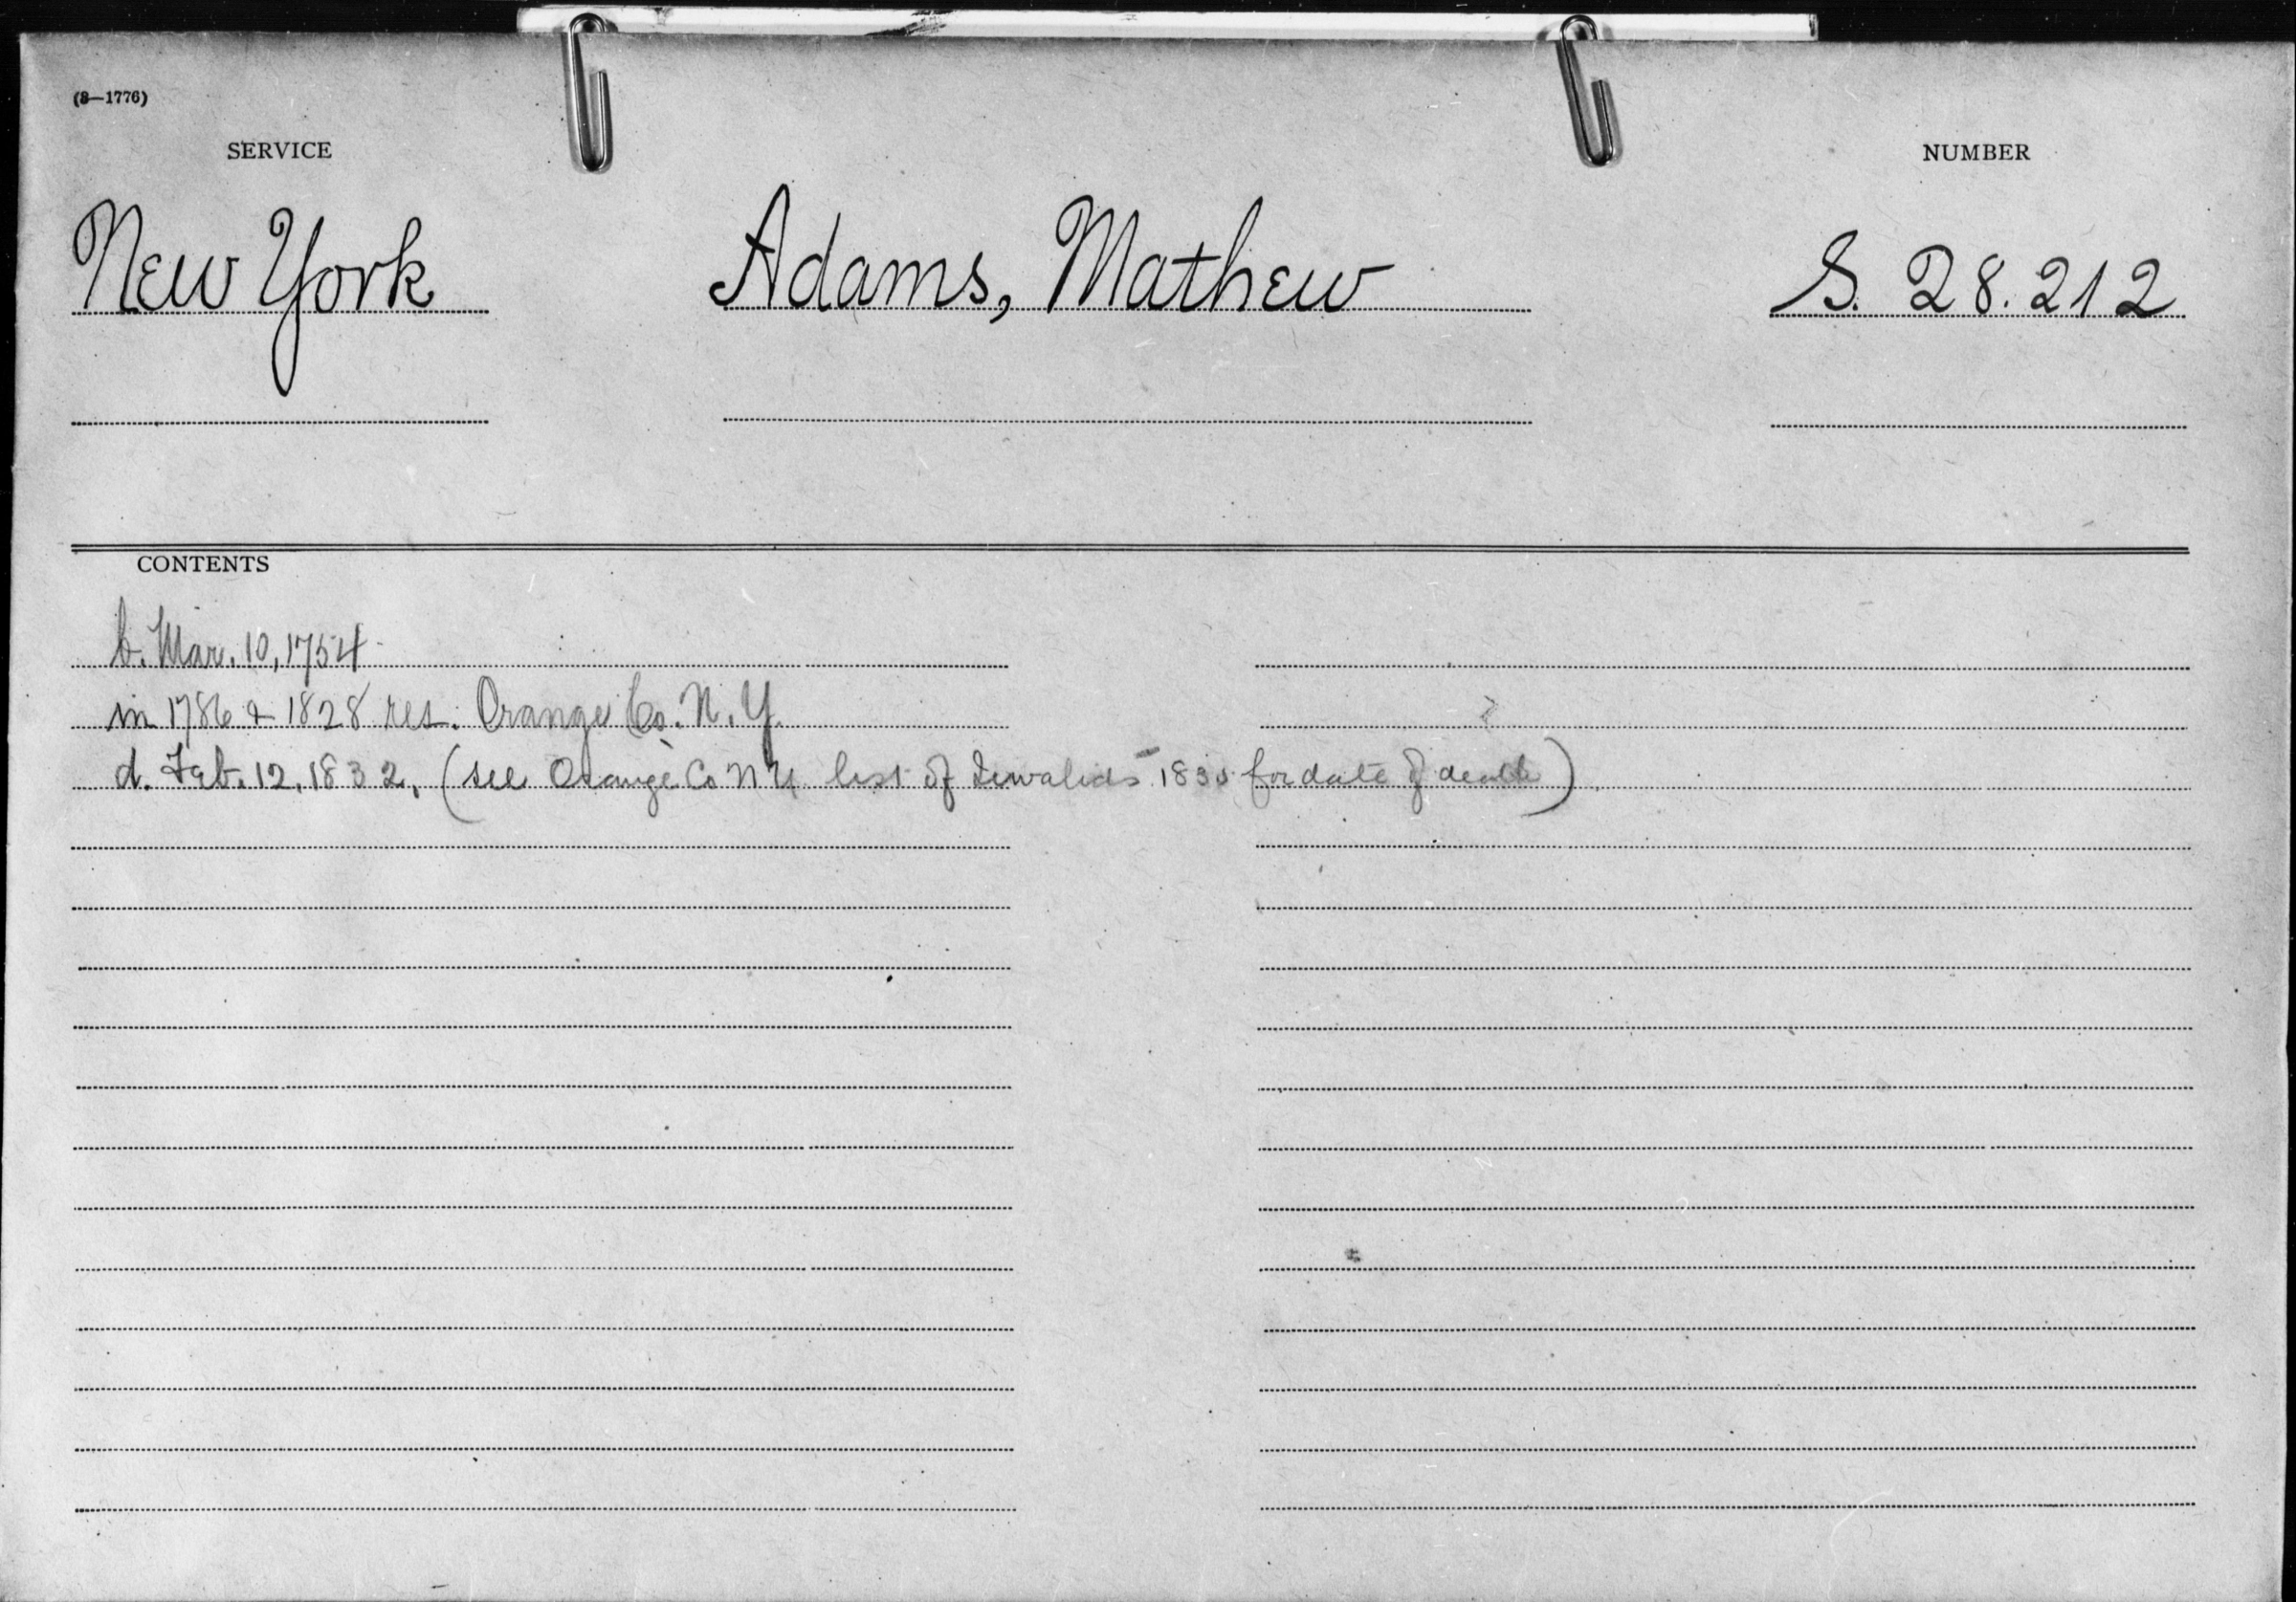(8-1776)

SERVICE                                                NUMBER

New York        Adams, Mathew            S. 28.212

Contents

b. Mar. 10, 1754
m 1786 and 1828 res. Orange Co. N. Y.
d. Feb. 12. 1832, (see Orange Co N Y list of Invalids 1838 for date of death)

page: 1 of 13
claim: survivor's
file: S. 28,212, Mathew Adams, New York